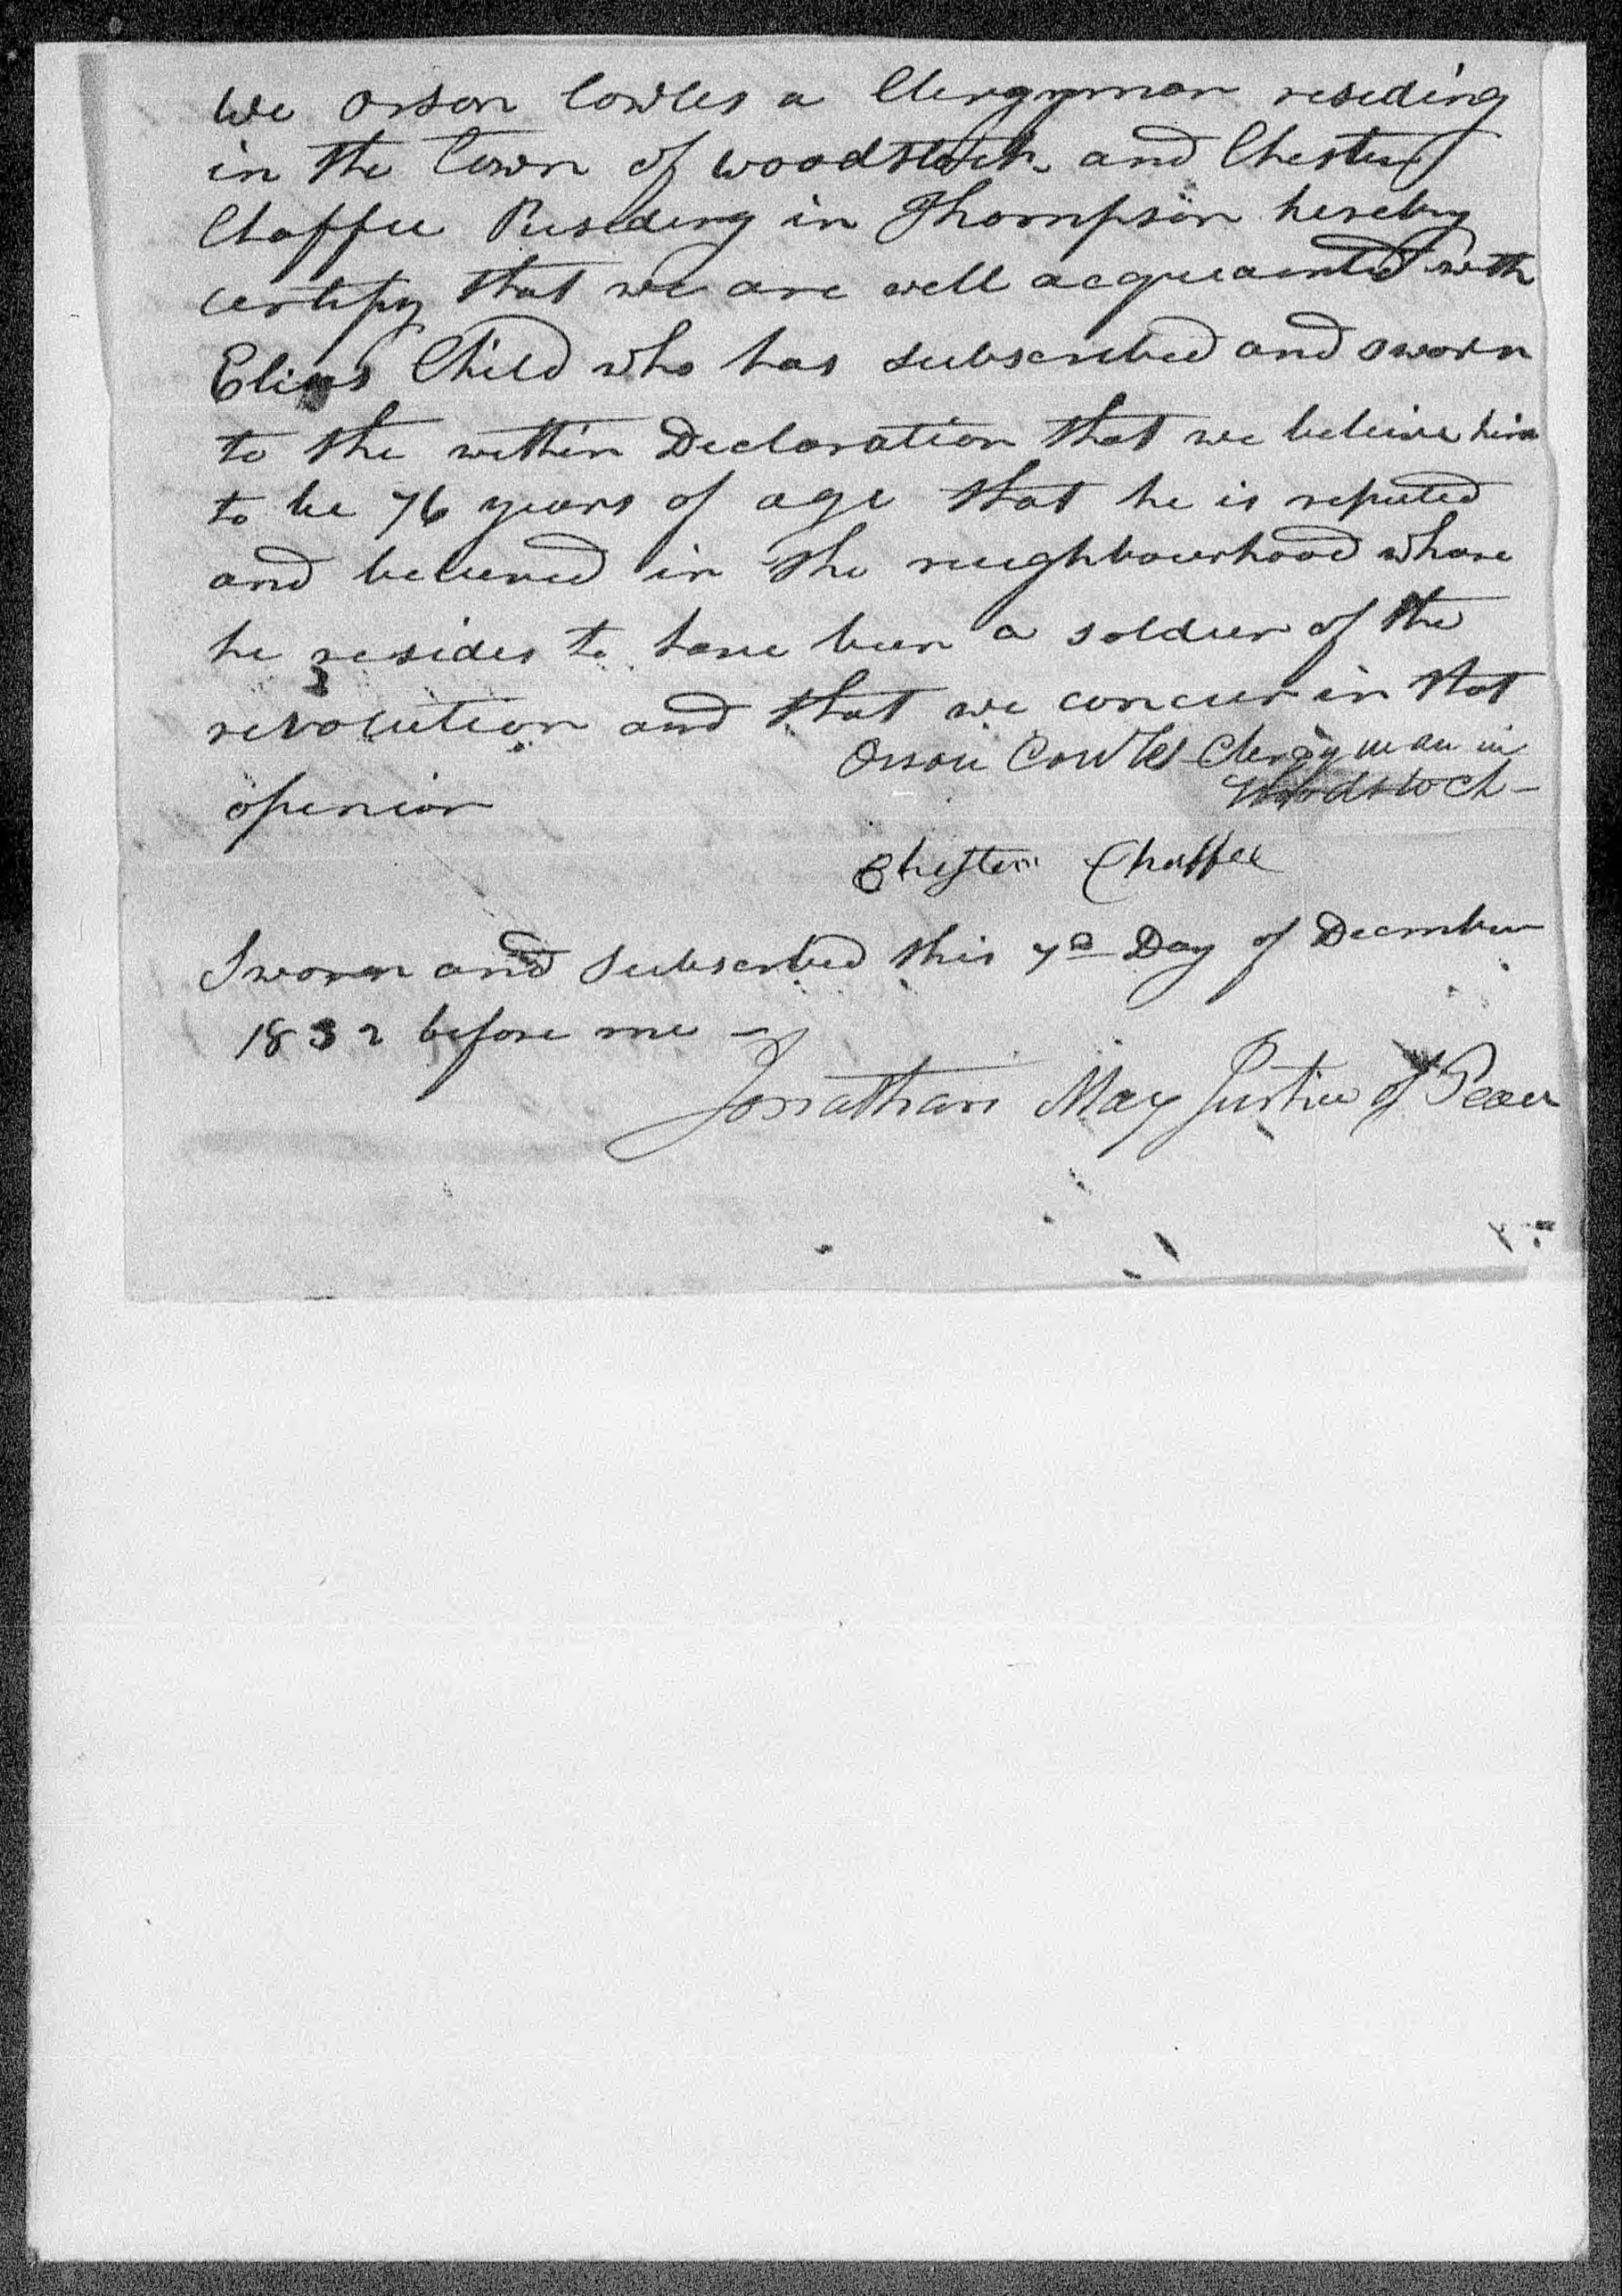We Orson Cowles a clergyman residing in the town of Woodstock and Chester Chaffee residing in Thompson hereby certify that we are well acquainted with Elias Child who has subscribed and sworn to the within declaration that we believe him to be 76 years of age that he is reputed and believed in the neighborhood where he resided to have been a soldier of the revolution and the concur in that opinion.

Orson Cowles Clergy
Woodstock
Chester Chaffee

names: Orson Cowles, Chester Chaffee, Elias Child, Jonathan May, Chester Chaffee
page: 22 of 34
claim: survivor's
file: S. 31,605, Elias Child, Conn.